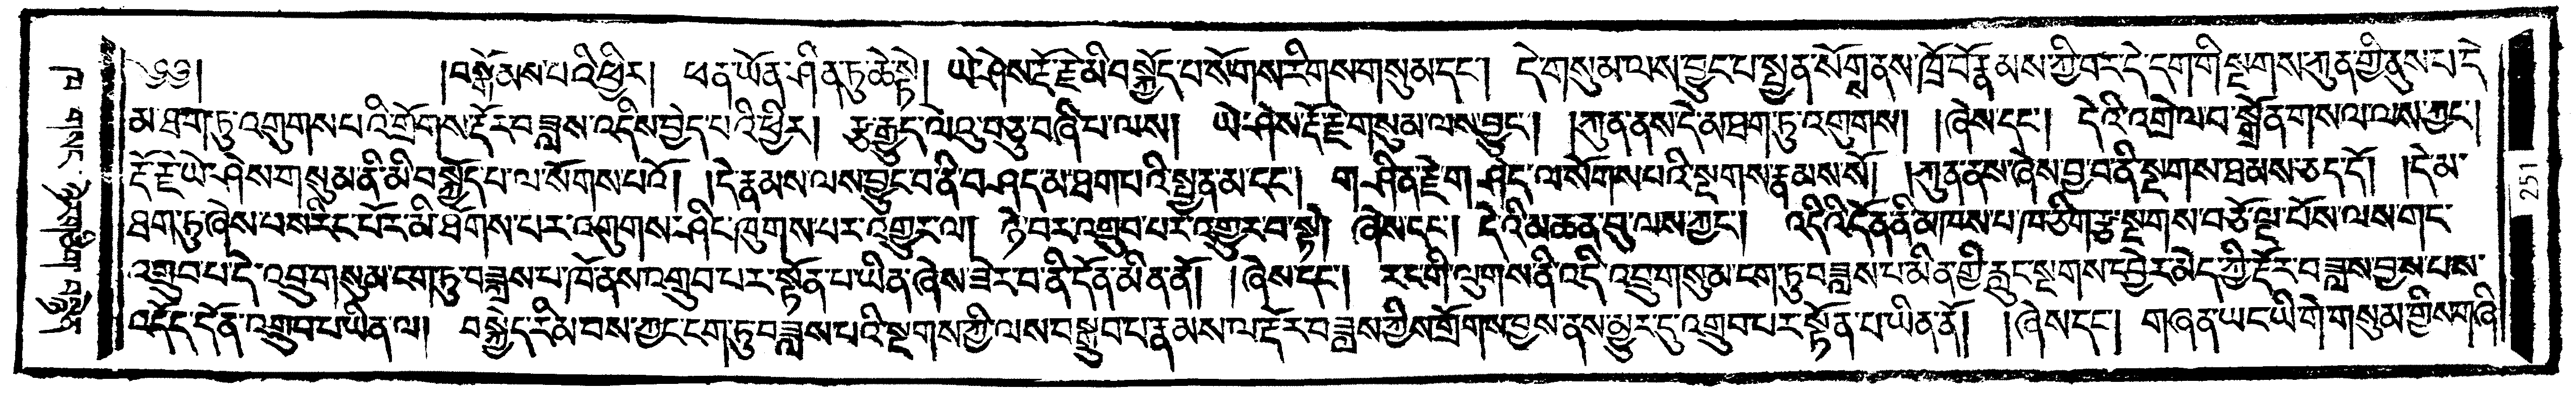༄༅། །བསྒོམས་པའི་ཕྱིར། ཕན་ཡོན་ཤིན་ཏུ་ཆེ་སྟེ། ཡེ་ཤེས་རྡོ་རྗེ་མི་བསྐྱོད་པ་སོགས་རིགས་གསུམ་དང་། དེ་གསུམ་ལས་བྱུང་པ་སྤྱན་སོགས་ནས་ཁྲོ་བོ་རྣམས་ཀྱི་བར་དེ་དག་གི་སྔགས་ཀུན་གྱི་ནུས་པ་དེ་
མ་ཐག་ཏུ་འགུགས་པའི་གྲོགས་རྡོར་བཟླས་འདིས་བྱེད་པའི་ཕྱིར། རྩ་རྒྱུད་ལེའུ་བཅུ་བཞི་པ་ལས། ཡེ་ཤེས་རྡོ་རྗེ་གསུམ་ལས་བྱུང་། །ཀུན་ནས་དེ་མ་ཐག་ཏུ་འགུགས། །ཞེས་དང་། དེའི་འགྲེལ་བ་སྒྲོན་གསལ་ལས་ཀྱང་།
རྡོ་རྗེ་ཡེ་ཤེས་གསུམ་ནི་མི་བསྐྱོད་པ་ལ་སོགས་པའོ། །དེ་རྣམས་ལས་བྱུང་བ་ནི་བཤད་མ་ཐག་པའི་སྤྱན་མ་དང་། གཤིན་རྗེ་གཤེད་ལ་སོགས་པའི་སྔགས་རྣམས་སོ། །ཀུན་ནས་ཞེས་བྱ་བ་ནི་སྔགས་ཐམས་ཅད་དོ། །དེ་མ་
ཐག་ཏུ་ཞེས་པས་རིང་པོར་མི་ཐོགས་པར་འགུགས་ཤིང་ཁུགས་པར་འགྱུར་ལ། ཉེ་བར་འགྲུབ་པར་འགྱུར་བ་སྟེ། ཞེས་དང་། དེའི་མཆན་བུ་ལས་ཀྱང་། འདིའི་དོན་ནི་མཁས་པ་ཁ་ཅིག་རྩ་སྔགས་བཅོ་ལྔ་པོས་ལས་གང་
འགྲུབ་པ་དེ་འབྲུ་གསུམ་ངག་ཏུ་བཟླས་པ་ཁོ་ནས་འགྲུབ་པར་སྟོན་པ་ཡིན་ཞེས་ཟེར་བ་ནི་དོན་མིན་ནོ། །ཞེས་དང་། རང་གི་ལུགས་ནི་འདི་འབྲུག་གསུམ་ངག་ཏུ་བཟླས་པ་མིན་གྱི་རླུང་སྔགས་དབྱེར་མེད་ཀྱི་རྡོར་བཟླས་བྱས་པས་
འདོད་དོན་འགྲུབ་པ་ཡིན་ལ། བསྐྱེད་རིམ་བས་ཀྱང་ངག་ཏུ་བཟླས་པའི་སྔགས་ཀྱི་ལས་བསྒྲུབ་པ་རྣམས་ལ་རྡོར་བཟླས་ཀྱིས་གྲོགས་བྱས་ནས་མྱུར་དུ་འགྲུབ་པར་སྟོན་པ་ཡིན་ནོ། །ཞེས་དང་། གཞན་ཡང་ཡི་གེ་གསུམ་གྱིས་གཞི་